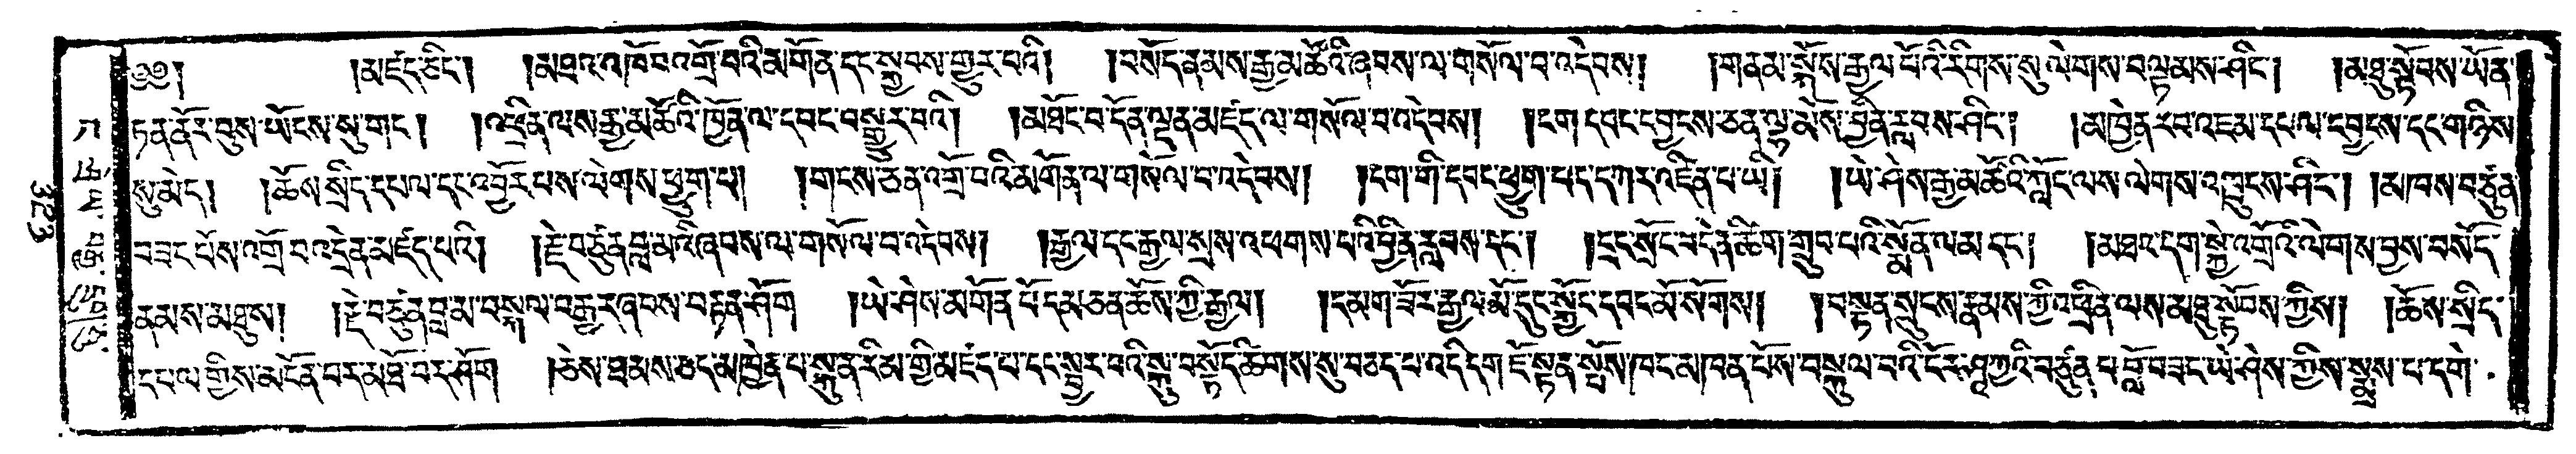༄༅། །མཛད་ཅིང་། །མཐའ་འཁོབ་འགྲོ་བའི་མགོན་དང་སྐྱབས་གྱུར་པའི། །བསོད་ནམས་རྒྱ་མཚོའི་ཞབས་ལ་གསོལ་བ་འདེབས། །གནམ་སྐོས་རྒྱལ་པོའི་རིགས་སུ་ལེགས་བལྟམས་ཤིང་། །མཐུ་སྟོབས་ཡོན་
ཏན་ནོར་བུས་ཡོངས་སུ་གང་། །འཕྲིན་ལས་རྒྱ་མཚོའི་ཁྱོན་ལ་དབང་བསྒྱུར་བའི། །མཐོང་བ་དོན་ལྡན་མཛད་ལ་གསོལ་བ་འདེབས། །ངག་དབང་དབྱངས་ཅན་ལྷ་མོས་བྱིན་རླབས་ཤིང་། །མཁྱེན་རབ་འཇམ་དཔལ་དབྱངས་དང་གཉིས་
སུ་མེད། །ཆོས་སྲིད་དཔལ་དང་འབྱོར་པས་ལེགས་ཕྱུག་པ། །གངས་ཅན་འགྲོ་བའི་མགོན་ལ་གསོལ་བ་འདེབས། །ངག་གི་དབང་ཕྱུག་པད་དཀར་འཛིན་པ་ཡི། །ཡེ་ཤེས་རྒྱ་མཚོའི་ཀློང་ལས་ལེགས་འཁྲུངས་ཤིང་། །མཁས་བཙུན་
བཟང་པོས་འགྲོ་བ་འདྲེན་མཛད་པའི། །རྗེ་བཙུན་བླ་མའི་ཞབས་ལ་གསོལ་བ་འདེབས། །རྒྱལ་དང་རྒྱལ་སྲས་འཕགས་པའི་བྱིན་རླབས་དང་། །དྲང་སྲོང་བདེན་ཚིག་གྲུབ་པའི་སྨོན་ལམ་དང་། །མཐའ་དག་སྐྱེ་འགྲོའི་ལེགས་བྱས་བསོད་
ནམས་མཐུས། །རྗེ་བཙུན་བླ་མ་བསྐལ་བརྒྱར་ཞབས་བརྟན་ཤོག །ཡེ་ཤེས་མགོན་པོ་དམ་ཅན་ཆོས་ཀྱི་རྒྱལ། །དམག་ཟོར་རྒྱལ་མོ་དུང་སྐྱོང་དབང་མོ་སོགས། །བསྟན་སྲུངས་རྣམས་ཀྱི་འཕྲིན་ལས་མཐུ་སྟོབས་ཀྱིས། །ཆོས་སྲིད་
དཔལ་གྱིས་མངོན་པར་མཐོ་བར་ཤོག །ཅེས་ཐམས་ཅད་མཁྱེན་པ་སྐུ་ན་རིམ་གྱི་མཛད་པ་དང་སྦྱར་བའི་སྐུ་བསྟོད་ཚིགས་སུ་བཅས་པ་འདི་དག་ཇོ་སྟན་སྤོས་ཁང་མཁན་པོས་བསྐུལ་བའི་ངོར་ཤཱཀྱའི་བཙུན་པ་བློ་བཟང་ཡེ་ཤེས་ཀྱིས་སྨྲས་པ་དགེ་